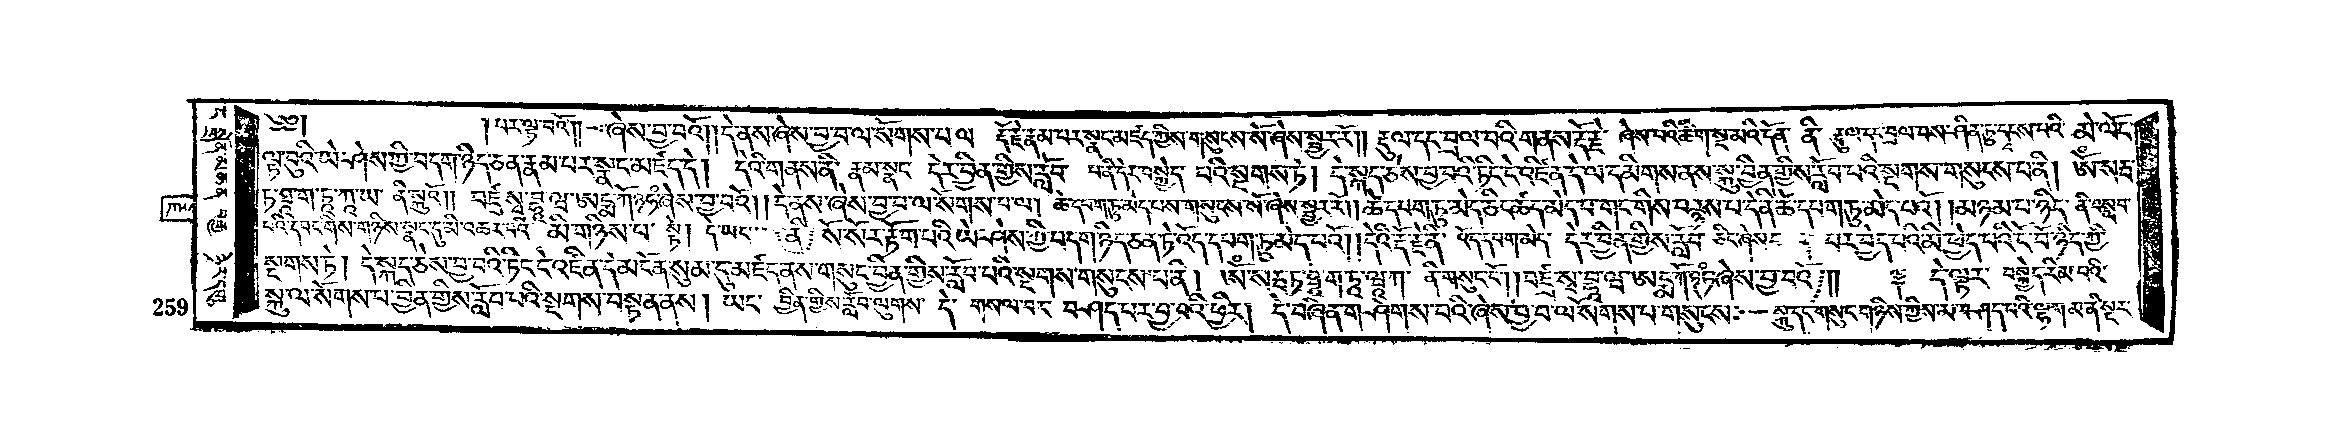༄༅། །པར་ལྟ་བའོ།། ཞེས་བྱ་བའོ། །དེ་ནས་ཞེས་བྱ་བ་ལ་སོགས་པ་ལ་རྡོ་རྗེ་རྣམ་པར་སྣང་མཛད་ཀྱིས་གསུངས་སོ་ཞེས་སྦྱར་རོ།  །རྡུལ་དང་བྲལ་བའི་གནས་རྡོ་རྗེ་ཞེས་པའི་ཚིག་སྔ་མའི་དོན་ནི་རྡུལ་དང་བྲལ་བས་ཤིན་ཏུ་དྭངས་པའི་མེ་ལོང་
ལྟ་བུའི་ཡེ་ཤེས་ཀྱི་བདག་ཉིད་ཅན་རྣམ་པར་སྣང་མཛད་དེ། དེའི་གནས་ནི་རྣམ་སྣང་དེར་བྱིན་གྱིས་རློབ་པ་ནི་དེར་བསྐྱེད་པའི་སྔགས་ཏེ། དེ་སྐད་ཅེས་བྱ་བའི་ཏིང་ངེ་འཛིན་དེ་ལ་དམིགས་ནས་སྐུ་བྱིན་གྱིས་རློབ་པའི་སྔགས་གསུངས་པ་ནི། ཨོཾ་སརྦ་
ཏ་ཐཱ་ག་ཏཱ་ཀཱ་ཡ་ནི་སྐུའོ།།  བཛྲ་སྭ་དྷཱ་ཝ་ཨདམ་ཀོཉ་ཧཾ་ཞེས་བྱ་བའོ། །དེ་ནས་ཞེས་བྱ་བ་ལ་སོགས་པ་ལ། ཚེ་དཔག་ཏུ་མེད་པས་གསུངས་སོ་ཞེས་སྦྱར་རོ།  །ཚེ་དཔག་ཏུ་མེད་ཅིང་ཚད་མེད་པ་གང་གིས་བརྙེས་པ་དེ་ནི་ཚེ་དཔག་ཏུ་མེད་པའོ། །མཉམ་པ་ཉིད་ནི་བསླབ་
པའི་དབང་གིས་གཉིས་སྣང་དུ་མི་འཆར་བའི་མི་གཉིས་པ་སྟེ། དེ་ཡང་ནི་སོ་སོར་རྟོག་པའི་ཡེ་ཤེས་ཀྱི་བདག་ཉིད་ཅན་ཏེ་འོད་དཔག་ཏུ་མེད་པའོ། །དེའི་རྡོ་རྗེ་ནི་འོད་དཔག་མེད་དེར་བྱིན་གྱིས་རློབ་ཅིང་ཞེས་བསྐྱེད་པར་བྱེད་པའི་མི་ཕྱེད་པའི་ངོ་བོ་ཉིད་ཀྱི་
སྔགས་ཏེ། དེ་སྐད་ཅེས་བྱ་བའི་ཏིང་ངེ་འཛིན་དེ་མངོན་སུམ་དུ་མཛད་ནས་གསུང་བྱིན་གྱིས་རློབ་པའི་སྔགས་གསུངས་པ་ནི། ཨོཾ་སརྦ་ཏ་ཐཱ་ག་ཏཱ་ཝཱ་ཀ་ནི་གསུང་ངོ།  །བཛྲ་སྭ་བྷཱ་ཝ་ཨདམ་ཀོ་ཉྷཾ་ཞེས་བྱ་བའོ།། ༈ དེ་ལྟར་བསྐྱེད་རིམ་པའི
སྐུ་ལ་སོགས་པ་བྱིན་གྱིས་རློབ་པའི་སྔགས་བསྟན་ནས། ཡང་བྱིན་གྱིས་རློབ་ལུགས་དེ་གསལ་བར་བཤད་པར་བྱ་བའི་ཕྱིར། དེ་བཞིན་གཤེགས་པའི་ཞེས་བྱ་བ་ལ་སོགས་པ་གསུངསཿ་སྐུ་དང་གསུང་གཉིས་ཀྱིས་མ་བཤད་པའི་ལྷག་མ་ནི་སྔར་